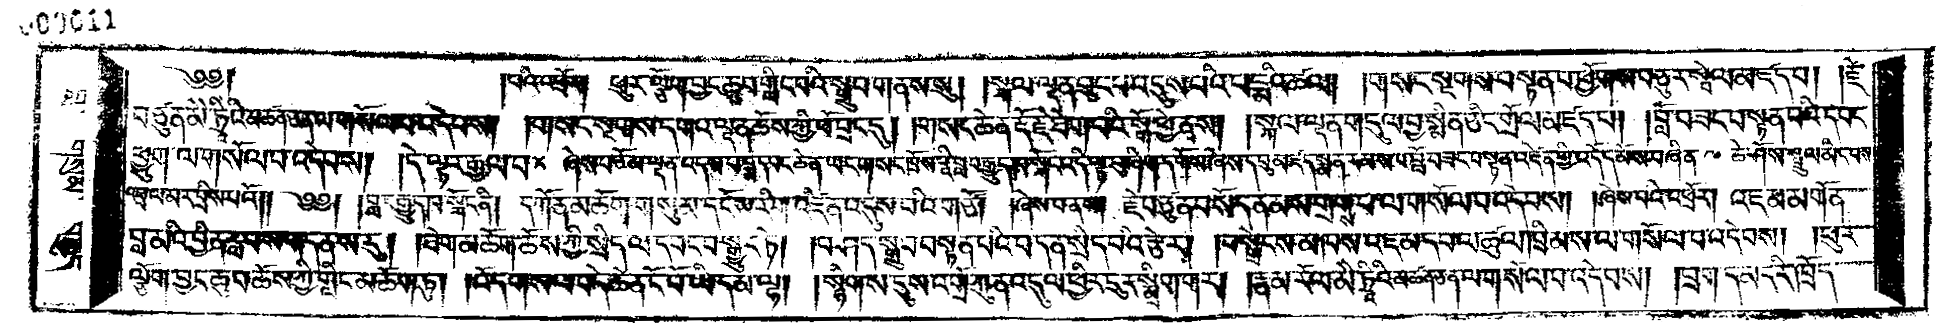༄༅། །པའི་འཕྲོར། ཕུར་ལྕོག་བྱང་ཆུབ་གླིང་པའི་སྒྲུབ་གནས་སུ། །སྐལ་ལྡན་བུང་པ་འདུས་པའི་པདམའི་ཚལ། །གསང་སྔགས་བསྟན་པ་ཕྱོགས་བཅུར་སྤེལ་མཛད་པ། །རྗེ་
བཙུན་མཻ་ཏྲཱིའི་མཚན་ཅན་ལ་གསོལ་བ་འདེབས། །གསང་སྔགས་དགའ་ལྡན་ཆོས་ཀྱི་ཕོ་བྲང་དུ། །གསང་ཆེན་རྡོ་རྗེ་ཐེག་པའི་སྒོ་ཕྱེ་ནས། །སྐལ་ལྡན་གདུལ་བྱ་སྨིན་ཅིང་གྲོལ་མཛད་པ། །བློ་བཟང་བསྟན་པའི་དབང་
ཕྱུག་ལ་གསོལ་བ་འདེབས། །དེ་ལྟར་རྒྱལ་བ྾་ཞེས་བཅོམ་ལྡན་འདས་པདམ་དབང་ཆེན་ཡང་གསང་ཁྲོས་པའི་བླ་བརྒྱུད་ཁ་སྐོང་འདི་ལྟ་བུ་ཞིག་དགོས་ཞེས་དབུ་མཛད་སྨན་རམས་པ་བློ་བཟང་བསྟན་འཛིན་གྱི་འདོད་མོས་བཞིན་༧་ཆེ་ཤོས་སྤྲུལ་མིང་བས་
འཕྲལ་མར་བྲིས་པའོ།། ༄༅། །བླ་བརྒྱུད་ཁ་སྐོང་ནི། དཀོན་མཆོག་གསུམ་དངོས་རིག་འཛིན་འདུས་པའི་གཙོ། ། ཞེས་པ་ནས།  རྗེ་བཙུན་བསོད་ནམས་གྲགས་པ་ལ་གསོལ་བ་འདེབས། །ཞེས་པའི་འཕྲོར།  འཇམ་མགོན་
བླ་མའི་བྱིན་རླབས་གདན་ས་རུ། །ཐེག་མཆོག་ཆོས་ཀྱི་སྲིད་ལ་དབང་བསྒྱུར་ཏེ། །བཤད་སྒྲུབ་བསྟན་པའི་བ་དན་སྲིད་པའི་རྩེར། །བསྒྲེངས་མཁས་འཇམ་དཔལ་ཚུལ་ཁྲིམས་ལ་གསོལ་བ་འདེབས། །ཕུར་
ལྕོག་བྱང་ཆུབ་ཆོས་ཀྱི་གླིང་མཆོག་ཏུ། །འོད་གསལ་བདེ་ཆེན་ངོ་བོ་ཡི་དམ་ལྷ། །སྙིགས་དུས་འགྲོ་ཀུན་འདུལ་ཕྱིར་ངུར་སྨྲིག་གར། །རྣམ་རོལ་མཻ་ཏྲཱིའི་མཚན་ཅན་ལ་གསོལ་བ་འདེབས། །བྲག་དམར་རི་ཁྲོད་